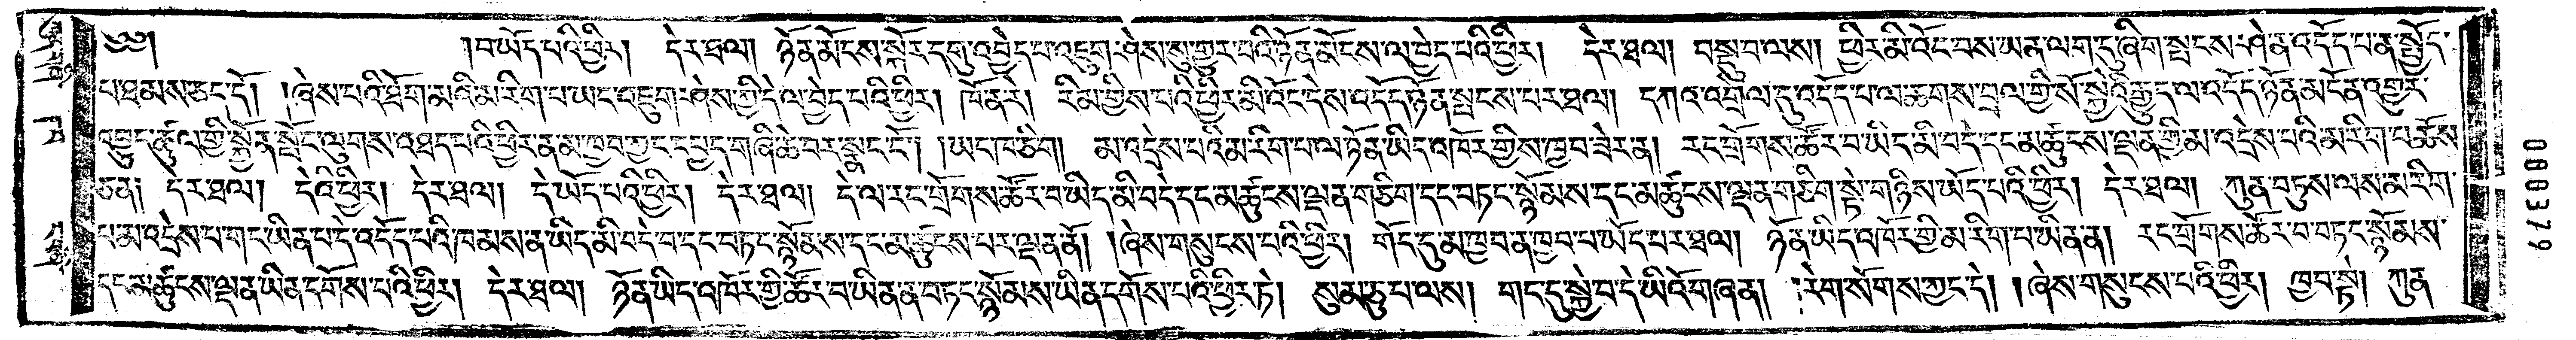༄༅། །བ་ཡོད་པའི་ཕྱིར། དེར་ཐལ། ཉོན་མོངས་སྐོར་དགུ་འབྱེད་པ་འཇུག་ཤེས་སུ་གྱུར་བའི་ཉོན་མོངས་ལ་བྱེད་པའི་ཕྱིར། དེར་ཐལ། བསྡུ་བ་ལས། ཕྱིར་མི་འོང་བས་ཡན་ལག་དུ་ཞིག་སྤངས་ཤེན་འདོད་པ་ན་སྤྱོད་
པ་ཐམས་ཅད་དོ། །ཞེས་པའི་ཐོག་མའི་མ་རིག་པ་ཡང་འཇུག་ཤེས་ཀྱི་དེ་ལ་བྱེད་པའི་ཕྱིར། ཁོ་ན་རེ། རིམ་གྱིས་པའི་ཕྱིར་མི་འོང་དེས་འདོད་ཉོན་སྤངས་པར་ཐལ། དཀའ་འགྲེལ་དུ་འདོད་པ་ལ་ཆགས་བྲལ་གྱི་སོ་སྐྱེའི་རྒྱུད་ལ་འདོད་ཉོན་མངོན་འགྱུར་
འབྱུང་ཚུལ་གྱི་སྐྱོན་སྤོང་ལུགས་འཐད་པའི་ཕྱིར་ན་མ་ཁྱབ་ཀྱང་དཔྱད་གཞི་ཆེ་བར་སྣང་ངོ། །ཡང་ཁ་ཅིག། མ་འདྲེས་པའི་མ་རིག་པ་ལ་ཉོན་ཡིད་འཁོར་གྱིས་ཁྱབ་ཟེར་ན། རང་གྲོགས་ཚོར་བ་ཡིད་མི་བདེ་དང་མཚུངས་ལྡན་གྱི་མ་འདྲེས་པའི་མ་རིག་པ་ཆོས་
ཅན། དེར་ཐལ། དེའི་ཕྱིར། དེར་ཐལ། དེ་ཡོད་པའི་ཕྱིར། དེར་ཐལ། དེ་ལ་རང་གྲོག་ཚོར་བ་ཡིད་མི་བདེ་དང་མཚུངས་ལྡན་གཅིག་དང་བཏང་སྙོམས་དང་མཚུངས་ལྡན་གཅིག་སྟེ་གཉིས་ཡོད་པའི་ཕྱིར། དེར་ཐལ། ཀུན་བཏུས་ལས་མ་རིག་
པ་མ་འདྲེས་པ་གང་ཡིན་པ་དེ་འདོད་པའི་ཁམས་ན་ཡིད་མི་བདེ་བ་དང་བཏང་སྙོམས་དང་མཚུངས་པར་ལྡན་ནོ། །ཞེས་གསུངས་པའི་ཕྱིར། གོང་དུ་མ་ཁྱབ་ན་ཁྱབ་པ་ཡོད་པར་ཐལ། ཉོན་ཡིད་འཁོར་གྱི་མ་རིག་པ་ཡིན་ན། རང་གྲོགས་ཚོར་བ་བཏང་སྙོམས་
དང་མཚུངས་ལྡན་ཡིན་དགོས་པའི་ཕྱིར། དེར་ཐལ། ཉོན་ཡིད་འཁོར་གྱི་ཚོར་བ་ཡིན་ན་བཏང་སྙོམས་ཡིན་དགོས་པའི་ཕྱིར་ཏེ། སུམ་ཅུ་པ་ལས། གང་དུ་སྐྱེ་བ་དེ་ཡི་འོ་གཞན། །རེག་སོགས་ཀྱང་དེ། །ཞེས་གསུངས་པའི་ཕྱིར། ཁྱབ་སྟེ། ཀུན་